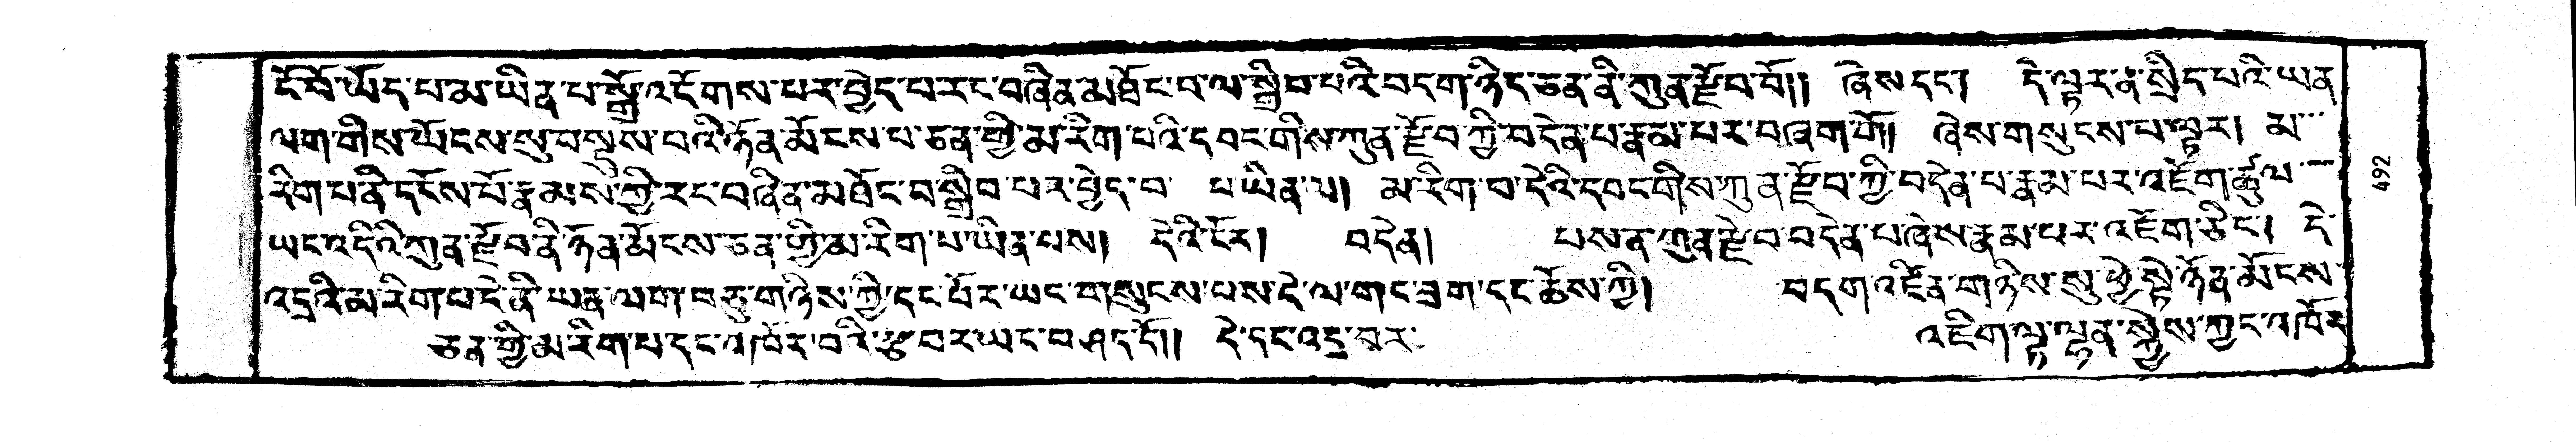ངོ་བོ་ཡོད་པ་མ་ཡིན་པ་སྒྲོ་འདོགས་པར་བྱེད་པ་རང་བཞིན་མཐོང་བ་ལ་སྒྲིབ་པའི་བདག་ཉིད་ཅན་ནི་ཀུན་རྫོབ་བོ། །ཞེས་དང་། དེ་ལྟར་ན་སྲིད་པའི་ཡན་
ལག་གིས་ཡོངས་སུ་བསྡུས་པའི་ཉོན་མོངས་པ་ཅན་གྱི་མ་རིག་པའི་དབང་གིས་ཀུན་རྫོབ་ཀྱི་བདེན་པ་རྣམ་པར་བཞག་གོ། ཞེས་གསུངས་པ་ལྟར། མ་
རིག་པ་ནི་དངོས་པོ་རྣམས་ཀྱི་རང་བཞིན་མཐོང་བ་སྒྲིབ་པར་བྱེད་པ་པ་ཡིན་ལ། མ་རིག་བ་དེའི་དབང་གིས་ཀུན་རྫོབ་ཀྱི་བདེན་པ་རྣམ་པར་འཇོག་ཚུལ་
ཡང་འདིའི་ཀུན་རྫོབ་ནི་ཉོན་མོངས་ཅན་གྱི་མ་རིག་པ་ཡིན་པས། དེའི་ངོར། བདེན། པས་ན་ཀུན་རྫོབ་བདེན་པ་ཞེས་རྣམ་པར་འཇོག་ཅིང་། དེ་
འདྲའི་མ་རིག་པ་དེ་ནི་ཡན་ལག་བཅུ་གཉིས་ཀྱི་དང་པོར་ཡང་གསུངས་པས་དེ་ལ་གང་ཟག་དང་ཆོས་ཀྱི། བདག་འཛིན་གཉིས་སུ་ཕྱེ་སྟེ་ཉོན་མོངས་
ཅན་གྱི་མ་རིག་པ་དང་འཁོར་བའི་རྩ་བར་ཡང་བཤད་དོ། །དེ་དང་འདྲ་བར་འཇིག་ལྟ་ལྷན་སྐྱེས་ཀྱང་འཁོར་